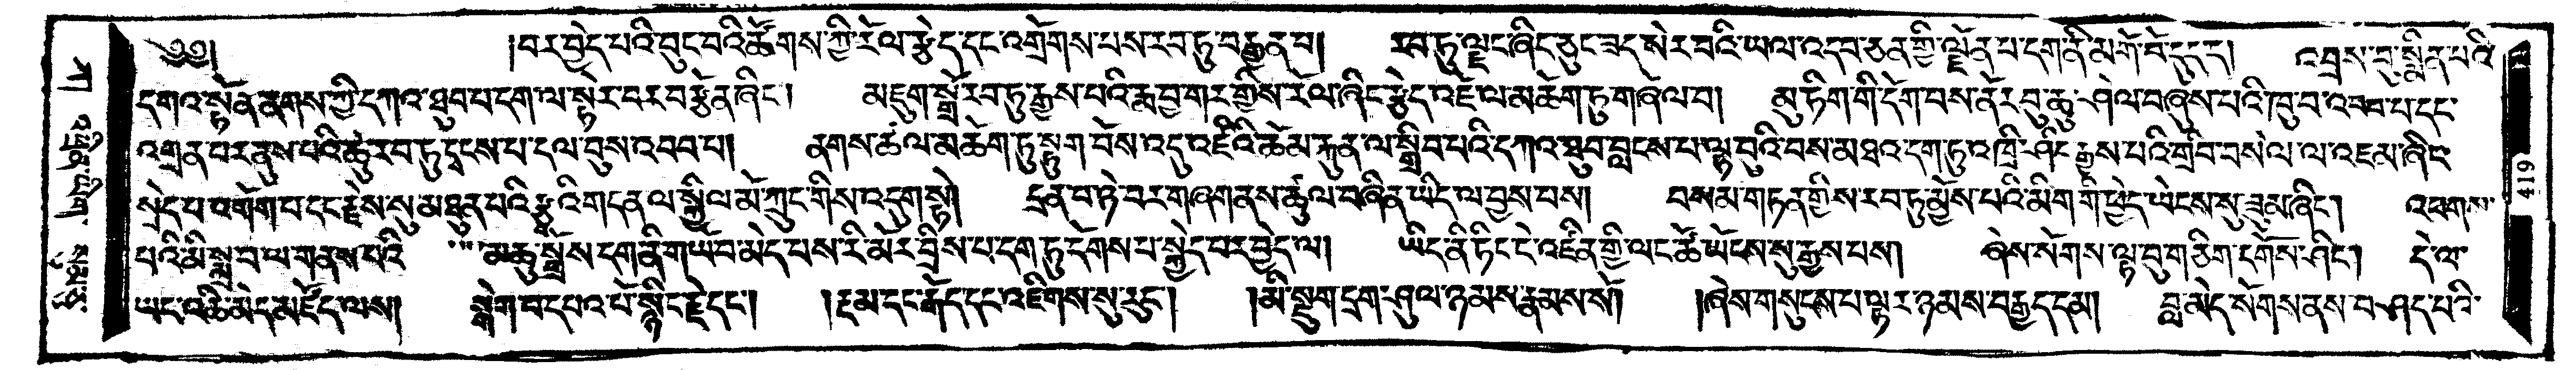༄༅། །བར་བྱེད་པའི་བུང་བའི་ཚོགས་ཀྱི་རོལ་རྩེད་དང་འགྲོགས་པས་རབ་ཏུ་བརྒྱན་པ། རབ་ཏུ་ལྗང་ཞིང་ཅུང་ཟད་ཟེར་བའི་ཡལ་འདབ་ཅན་གྱི་ལྗོན་པ་དག་ནི་མགོ་བོ་དུད་ད། འབྲས་བུ་སྨིན་པའི་
དགའ་སྟོན་ནགས་ཀྱི་དཀའ་ཐུབ་པ་དག་ལ་སྟེར་བར་བརྩོན་ཞིང་། མཇུག་སྒྲོ་རབ་ཏུ་རྒྱས་པའི་རྨ་བྱ་གར་གྱིས་རོལ་ཞིང་རྩེད་འཛ་ལ་མཆོག་ཏུ་གཞལ་བ། མུ་ཏིག་གི་དོག་བས་ནོར་བུ་ཆུ་ཤེལ་བཞུས་པའི་ཁུ་བ་འབབ་པ་དང་
འགྲན་པར་ནུས་པའི་ཚུ་རབ་ཏུ་དྭངས་པ་དལ་བུས་འབབ་པ། ནགས་ཚལ་མཆོག་ཏུ་སྟུག་བོས་འདུ་འཛིའི་ཆོམ་རྐུན་ལ་སྒྲིབ་པའི་བཀའ་ཐུབ་བླངས་པ་ལྟ་བུའི་བས་མཐའ་དག་ཏུ་འཁྲི་ཤིང་རྒྱས་པའི་གྲིབ་བསེལ་ལ་འཇམ་ཞིང་
སྲེད་པ་འགོག་པ་དང་རྗེས་སུ་མཐུན་པའི་རྩའི་གདན་ལ་སྐྱིལ་མོ་ཀྲུང་གིས་འདུག་སྟེ། དྲན་བ་ཉེ་བར་གཞན་ནས་ཚུལ་བཞིན་ཡིད་ལ་བྱས་པས། བསམ་གཏན་གྱིས་རབ་ཏུ་མྱོས་པའི་མིག་གི་ཕྱེད་ཡེངས་སུ་ཟུམ་ཞིང་། འཕགས་
པའི་མི་སྨྲ་བ་ལ་གནས་པའི་མཆུ་སྒྲོས་དག་ནི་གཡོ་བ་མེད་བས་རི་མོར་བྲིས་པ་དག་ཏུ་དོགས་པ་སྐྱེད་པར་བྱེད་ལ། ཡིད་ནི་ཏིང་ངེ་འཛིན་གྱི་ལང་ཚོ་ཡོངས་སུ་རྒྱས་པས། ཞེས་སོགས་ལྟ་བུ་གཅིག་དགོས་ཤིང་། དེ་ལ་
ཡང་འཆི་མེད་མཛོད་ལས། སྒེག་པ་དཔའ་པོ་སྙིང་རྗེ་དང་། །རྔམ་དང་རྒོད་དང་འཇིགས་སུ་རུང་། །མི་སྡུག་དྲག་ཤུལ་ཉམས་རྣམས་སོ། ཞེས་གསུངས་པ་ལྟར་ཉམས་བརྒྱད་དམ། བླ་མེད་སོགས་ནས་བཤད་པའི་